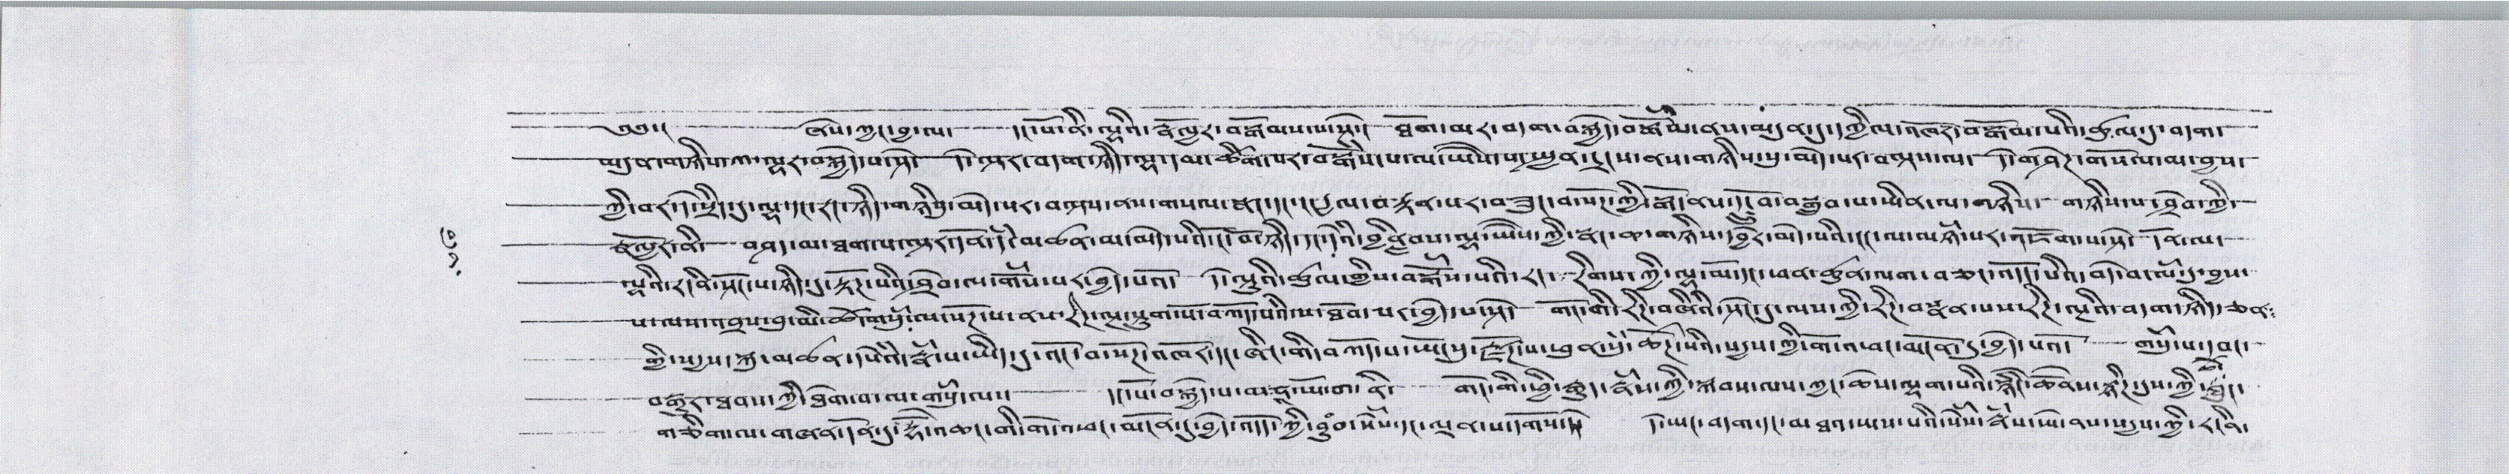ཞེས་ཀྱང་བྱ་ལ། དང་པོ་ནི་ལྷའི་རྣལ་འབྱོར་བསྒོམས་པ་སྟེ། ཐོག་མར་བདག་བསྐྱེད་བསྒོམས་ནས་མདུན་དུ་དཀྱིལ་འཁོར་བསྒོམ་པའི་ཚུལ་དུ་བདག་
མདུན་གཉིས་ཀ་ལྷར་བསྐྱེད་པ་སྟེ། དེ་ལྟར་བདག་ཉིད་ལྷ་དམ་ཚིག་པར་བསྒོམ་པ་ལ་ཡེ་ཤེས་པ་སྤྱན་དྲངས་ནས་གཉིས་སུ་མེད་པར་བལྟས་ལ། དེ་གཤེགས་གསོལ་མ་བྱས་
ཀྱི་བར་དེ་སྲིད་དུ་ལྷ་དང་རང་ཉིད་གཉིས་སུ་མེད་པར་བལྟས་ནས་གསལ་སྣང་དང་ང་རྒྱལ་བརྟན་པར་བཟུང་བ་སོགས་ཀྱི་སྒོ་ནས་དངོས་གྲུབ་བསྒྲུབ་པ་ཡིན་ལ། གཉིས་པ་ཤེས་རབ་ཀྱི་
རྣལ་འབྱོར་ནི་བཤད་པ་མ་ཐག་པ་ལྟར་དོན་དམ་མཚན་མ་མེད་པའི་ངོ་བོ་ཉིད་དང་དེའི་བྱིན་རླབས་ལྷ་ཡེ་ཤེས་ཀྱི་སྣང་ཆ་གཉིས་དབྱེར་མེད་པའི་ངང་ལ་མཉམ་པར་འཇོག་པ་སྟེ། དོན་ལ་
ལྷའི་རང་བཞིན་སྟོང་པ་ཉིད་དུ་རྟོགས་པའི་ཤེས་རབ་ལ་གོམས་པར་བྱེད་པའོ། དེ་ལྟ་བུའི་ཚུལ་གྱིས་བསྒོམ་པའི་རང་རིགས་ཀྱི་ལྷ་མོ་དང་ཕན་ཚུན་ལག་བཅང་འདོད་པའི་བདེ་བ་ལམ་དུ་བྱས་
པ་ལས་འབྲས་བུ་མི་ཚེ་གསུམ་ལ་སོགས་པ་ནས་རིགས་ལྔ་སྟུག་པོ་བཀོད་པའི་ས་ཐོབ་པར་བྱེད་པ་སྟེ། གོང་གི་རིགས་བཞིའི་སྟེང་དུ་ལས་ཀྱི་རིགས་བསྣན་པས་རིགས་ལྔའི་བདག་ཉིད་ཅན་
གྱི་སངས་རྒྱས་སྐུ་མཚན་དཔེའི་རྣམ་པ་ཡིད་དུ་འོང་བ་སོགས་འཁོར་དང་ཞིང་གི་བཀོད་པ་ཡོངས་སུ་རྫོགས་པ་ཕུན་སུམ་ཚོགས་པའི་སངས་རྒྱས་ཀྱི་གོ་འཕང་མངོན་དུ་བྱེད་པའོ། གསུམ་པ་དབང་
བསྒྱུར་ཐབས་ཀྱི་ཐེག་པ་ལ་གསུམ་ལས། དང་པོ་བསྐྱེད་པ་མ་ཧ་ཡོ་ག་ནི། གོང་གི་ཕྱི་རྒྱུད་རྣམས་ཀྱི་སྐབས་ལས་ཀྱང་ཆེས་ལྷག་པའི་སྙིང་རྗེ་ཆེན་པོས་སྙིགས་དུས་ཀྱི་ཚེ་ཐུང་
གཅིག་ལ་གཞན་དོན་དུ་རྡོ་རྗེ་འཆང་གི་གོ་འཕང་མངོན་དུ་བྱེད་འདོད་ཀྱི་བྱང་ཆུབ་སེམས་དང་ལྡན་པ་དགོས་ཏེ། དེ་ཡང་བདག་དང་མཐའ་ཡས་པའི་སེམས་ཅན་རྣམས་ཡེ་ནས་སངས་རྒྱས་ཀྱི་རང་བཞིན་